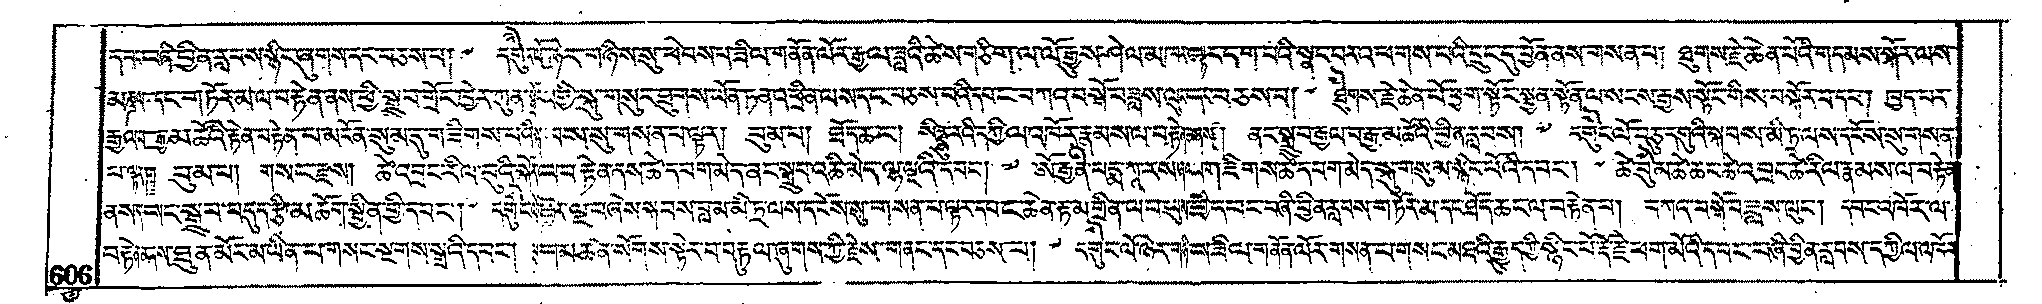དབང་བཞི་བྱིན་རླབས་སྙིང་ཞུགས་དང་བཅས་པ། ༧་དགུང་ལོ་ཉེར་གཉིས་སུ་ཕེབས་པ་ཟིལ་གནོན་ལོར་རྒྱལ་ཟླའི་ཚེས་གཅིག་ལ་ལོ་རྒྱུས་ཤེལ་མཁར་ལྟར་དག་པའི་སྣང་བར་འཕགས་པའི་དྲུང་དུ་བྱོན་ནས་གསན་པ། ཐུགས་རྗེ་ཆེན་པོའི་གདམས་སྐོར་ལས་
མཎྜལ་དང་གཏོར་མ་ལ་བརྟེན་ནས་ཕྱི་སྒྲུབ་གྲོང་ཁྱེར་ཀུན་སྒྲོལ་གྱི་སྐུ་གསུང་ཐུགས་ཡོན་ཏན་འཕྲིན་ལས་དང་བཅས་པའི་དབང་བཀའ་བསྒོ་བཟླས་ལུང་དང་བཅས་པ། ༧་ཐུགས་རྗེ་ཆེན་པོ་ཕྱག་སྟོང་སྤྱན་སྟོན་ལ་སངས་རྒྱས་སྟོང་གིས་བསྐོར་བ་དང་། ཁྱད་པར་
རྒྱལ་པ་རྒྱ་མཚོའི་རྟེན་བརྟེན་པ་མངོན་སུམ་དུ་གཟིགས་པའི་སྐབས་སུ་གསན་པ་ལྟར། བུམ་པ། ཐོད་ཆང་། སིནྡྷུ་རའི་དཀྱིལ་འཁོར་རྣམས་ལ་བརྟེན་ནས། ནང་སྒྲུབ་རྒྱལ་བ་རྒྱ་མཚོའི་བྱིན་རླབས། ༧་དགུང་ལོ་བཅུ་དགུའི་སྐབས་མི་ཏྲ་ལས་དངོས་སུ་གསན་
པ་ལྟར། བུམ་པ། གསང་རྫས། ཚེ་འབྲང་རིལ་བུའི་སྐོར་ལ་བརྟེན་ནས་ཚེ་དཔག་མེད་ནང་སྒྲུབ་འཆི་མེད་ལྷ་ལྔའི་དབང་། ༧་ཨོ་རྒྱན་པདམ་ཀཱ་རས་ཞལ་གཟིགས་ཚེ་དཔག་མེད་སྐུ་གསུམ་སྙིང་པོའི་དབང་། ༧ཚེ་བུམ་ཚེ་ཆང་ཚེ་འབྲང་ཚེ་རིལ་རྣམས་ལ་བརྟེན་
ནས་གསང་སྒྲུབ་བདུད་རྩི་མཆོག་སྦྱིན་གྱི་དབང་། ༧་དགུང་ལོ་ཉར་ལྔ་བཞེས་སྐབས་བླ་མ་མི་ཏྲ་ལས་དངོས་སུ་གསན་པ་ལྟར་དབང་ཆེན་རྟ་མགྲིན་ཡབ་ཡུམ་གྱི་དབང་བཞི་བྱིན་རླབས་གཏོར་མ་དང་ཐོད་ཆང་ལ་བརྟེན་པ། བཀའ་བསྒོ་བཟླས་ལུང་། དབང་འཁོར་ལ་
བརྟེན་ནས་ཐུན་མོང་མ་ཡིན་པ་གསང་སྔགས་སྒྲའི་དབང་། ཕྱག་མཚན་སོགས་སྟེར་བ་བརྟུལ་ཞུགས་ཀྱི་རྗེས་གནང་དང་བཅས་པ། ༧་དགུང་ལོ་ཉེར་གཉིས་ཟིལ་གནོན་ལོར་གསན་པ་གསང་མཐའི་རྒྱུད་ཀྱི་སྙིང་པོ་རྡོ་རྗེ་ཕག་མོའི་དབང་བཞི་བྱིན་རླབས་དཀྱིལ་འཁོར་